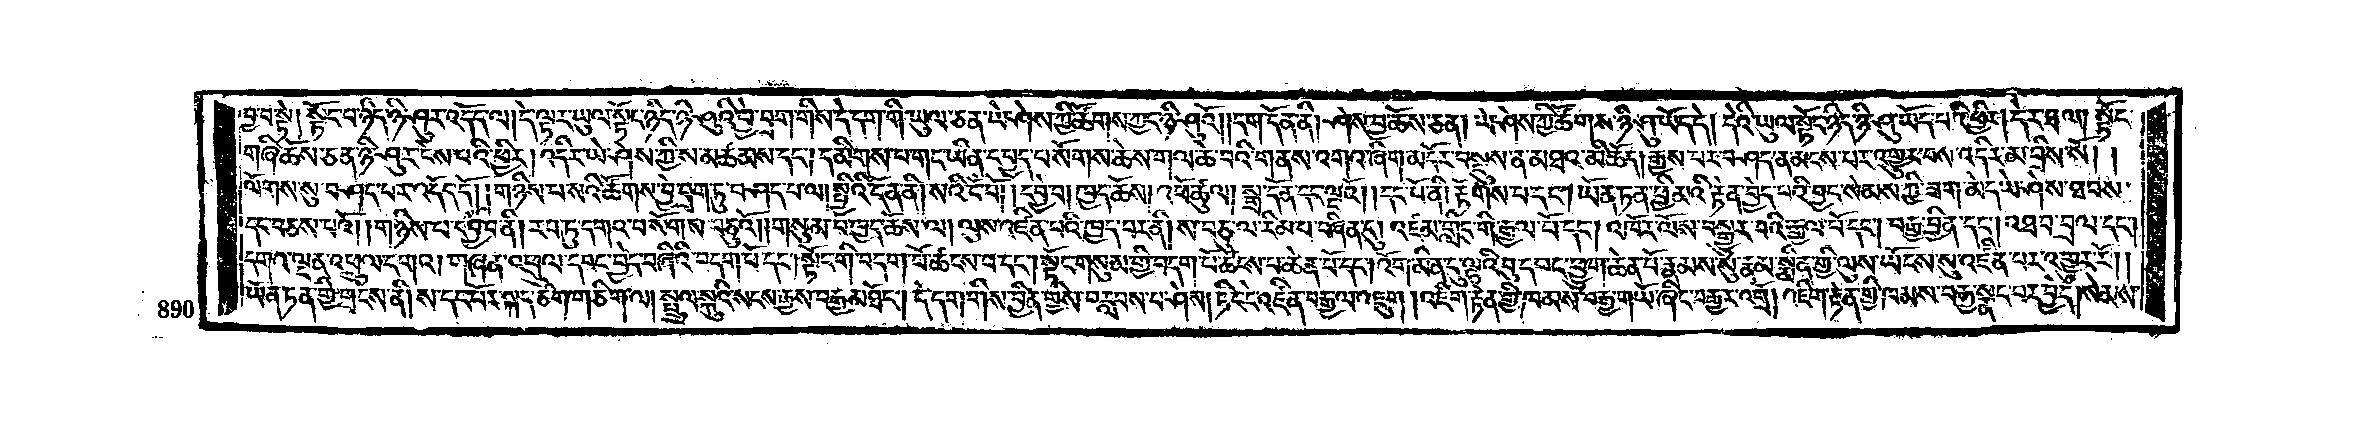བྱ་བ་སྟེ། སྟོང་པ་ཉིད་ཉི་ཤུར་འདོད་ལ། དེ་ལྟར་ཡུལ་སྟོང་ཉིད་ཉི་ཤུའི་བྱེ་བྲག་གིས་དེ་དག་གི་ཡུལ་ཅན་ཡེ་ཤེས་ཀྱི་ཚོགས་ཀྱང་ཉི་ཤུའོ། །དག་དོན་ནི། ཤེས་བྱ་ཆོས་ཅན། ཡེ་ཤེས་ཀྱི་ཚོགས་ཉི་ཤུ་ཡོད་དེ། དེའི་ཡུལ་སྟོང་ཉིད་ཉི་ཤུ་ཡོད་པའི་ཕྱིར། དེར་ཐལ། སྟོང་
གཞི་ཆོས་ཅན་ཉི་ཤུར་ངེས་པའི་ཕྱིར། འདིར་ཡེ་ཤེས་ཀྱི་ས་མཚམས་དང་། དམིགས་པ་གང་ཡིན་དཔྱད་པ་སོགས་ཆེས་གལ་ཆེ་བའི་གནས་འགའ་ཞིག་མདོར་བསྡུས་ན་མཐའ་མི་ཆོད། རྒྱས་པར་བཤད་ན་མངས་པར་འགྱུར་བས་འདིར་མ་བྲིས་སོ། །
ལོགས་སུ་བཤད་པར་འདོད་དོ། །གཉིས་པ་སའི་ཚོགས་བྱེ་བྲག་ཏུ་བཤད་པ་ལ། སྤྱིའི་དོན་ནི། སའི་ངོ་བོ། །དབྱེ་བ། ཁྱད་ཆོས། འཕོ་ཚུལ། སྒྲ་དོན་དང་ལྔའོ། །དང་པོ་ནི། རྟོགས་པ་དང་། ཡོན་ཏན་ཕྱི་མའི་རྟེན་བྱེད་པའི་བྱང་སེམས་ཀྱི་ཟག་མེད་ཡེ་ཤེས་ཐབས་
དང་བཅས་པའོ། །གཉིས་པ་དབྱེ་བ་ནི། རབ་ཏུ་དགའ་བ་སོགས་བཅུའོ། །གསུམ་པ་ཁྱད་ཆོས་ལ། ལུས་འཛིན་པའི་ཁྱད་པར་ནི། ས་བཅུ་ལ་རིམ་པ་བཞིན་དུ། འཛམ་གླིང་གི་རྒྱལ་པོ་དང་། འཁོར་ལོས་བསྒྱུར་བའི་རྒྱལ་པོ་དང་། བརྒྱ་བྱིན་དང་། འཐབ་བྲལ་དང་།
དགའ་ལྡན་འཕྲུལ་དགའ། གཞན་འཕྲུལ་དབང་བྱེད་བཞིའི་བདག་པོ་དང་། སྟོང་གི་བདག་པོ་ཚངས་པ་དང་། སྟོང་གསུམ་གྱི་བདག་པོ་ཚངས་པ་ཆེན་པོ་དང་། འོག་མིན་དུ་ལྷའི་བུ་དབང་ཕྱུག་ཆེན་པོ་རྣམས་སུ་རྣམ་སྨིན་གྱི་ལུས་ཡོངས་སུ་འཛིན་པར་འགྱུར་རོ། །
ཡོན་ཏན་གྱི་གྲངས་ནི། ས་དང་པོར་སྐད་ཅིག་གཅིག་ལ། སྤྲུལ་སྐུའི་སངས་རྒྱས་བརྒྱ་མཐོང་། དེ་དག་གིས་བྱིན་གྱིས་བརླབས་པ་ཤེས། ཏིང་ངེ་འཛིན་བརྒྱ་ལ་འཇུག །འཇིག་རྟེན་གྱི་ཁམས་བརྒྱ་གཡོ་ཞིང་བརྒྱར་འགྲོ། འཇིག་རྟེན་གྱི་ཁམས་བརྒྱ་སྣང་བར་བྱེད། སེམས་